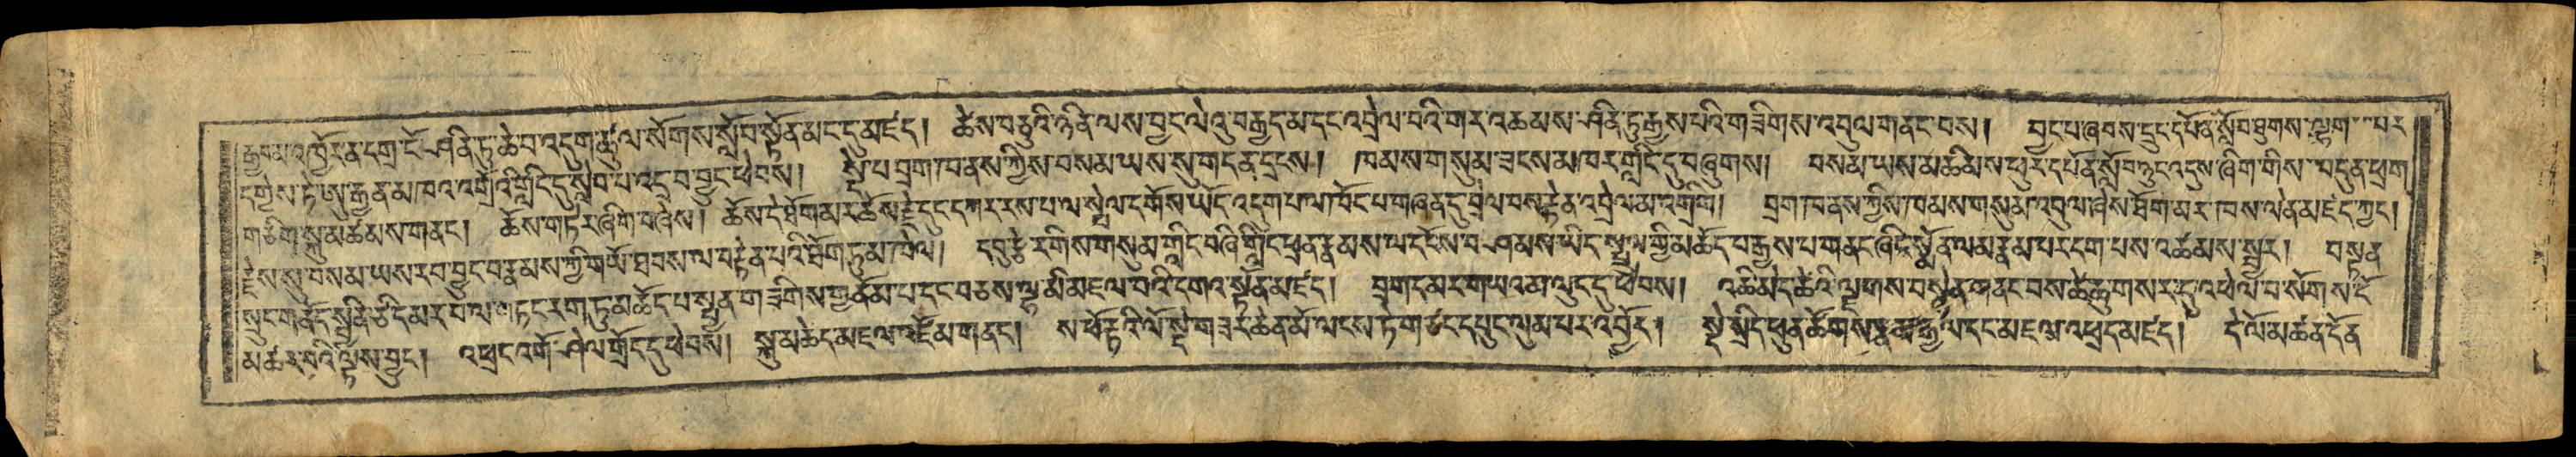རྒྱབ་མ་འཁྱོར་ན་དགྲ་ངོ་ཤིན་ཏུ་ཆེ་བ་འདུག་ཚུལ་སོགས་སློབ་སྟོན་མང་དུ་མཛད། ཚེས་བཅུའི་ཉིན་ལས་བྱང་ལེའུ་བརྒྱད་མ་དང་འབྲེལ་བའི་གར་འཆམས་ཤིན་ཏུ་རྒྱས་པའི་གཟིགས་འབུལ་གནང་བས། བྱང་བ་ཞབས་དྲུང་དཔོན་སློབ་ཐུགས་ལྷག་པར་
དགྱེས་ཏེ་ཨུ་རྒྱན་མཁའ་འགྲོའི་གླིང་དུ་སླེབ་པ་འདྲ་བ་བྱུང་ཕེབས། སྡེ་བ་བྲག་ཁ་ནས་ཀྱིས་བསམ་ཡས་སུ་གདན་དྲངས། ཁམས་གསུམ་ཟངས་མཁར་གླིང་དུ་བཞུགས། བསམ་ཡས་མཆིམས་ཕུར་དཔོན་སློབ་ཉུང་འདུས་ཞིག་གིས་བདུན་ཕྲག་
གཅིག་སྐུ་མཚམས་གནང་། ཆོས་གཏེར་ཞིག་བཞེས། ཆོས་དེ་ཐོག་མར་ཆོས་རྗེ་དུང་དཀར་རས་པ་ལ་སྤེལ་དགོས་ཡོད་འདུག་པ་ལ་ཁོང་པ་གཞན་དུ་བྲེལ་བས་རྟེན་འབྲེལ་མ་འགྲིག། བྲག་ཁ་ནས་ཀྱིས་ཁམས་གསུམ་འབུལ་ཞེས་ཐོག་མར་ཁས་ལེན་མཛད་ཀྱང་།
རྗེས་སུ་བསམ་ཡས་རབ་བྱུང་བ་རྣམས་ཀྱི་གཡོ་ཐབས་ལ་བརྟེན་པའི་ཐོག་ཏུ་མ་ཁེལ། དབུ་རྩེ་རིགས་གསུམ་གླིང་བཞི་གླིང་ཕྲན་རྣམས་ལ་དངོས་བཤམས་ཡིད་སྤྲུལ་གྱི་མཆོད་པ་རྒྱས་པ་གནང་ཞིང་སྨོན་ལམ་རྣམ་པར་དག་པས་འཚམས་སྦྱར། བསྟན་
སྲུང་གནོད་སྦྱིན་ཙི་དམར་བ་ལ་གཏང་རག་ཏུ་མཆོད་པ་སྤྱན་གཟིགས་གྱ་ནོམ་པ་དང་བཅས་ལྷ་མི་མཇལ་བའི་དགའ་སྟེན་མཛད་བྲག་དམར་གཡའ་མ་ལུང་དུ་ཕབས། འཆི་མེད་ཚེའི་ལྗགས་བསྙེན་གནང་བས་ཚེ་ཆུ་གསར་དུ་འཕེལ་བ་སོགས་ངོ་
མཚར་བའི་ལྟས་བྱུང་། འཕྲང་འགོ་ཤེལ་གྲོང་དུ་ཕེབས། སྐུ་མཆེད་མཇལ་འཇོམ་གནང་། ས་ཕོ་རྟའི་ལོ་སྡེ་གཟར་ཆེན་མོ་ལངས་ཏེ་གཙང་དཔུང་ལུམ་པར་འབྱོར། སྡེ་སྲིད་ཕུན་ཚོགས་རྣམ་རྒྱལ་དང་མཇལ་འཕྲད་མཛད། དེ་ལོ་མཚན་དོན་